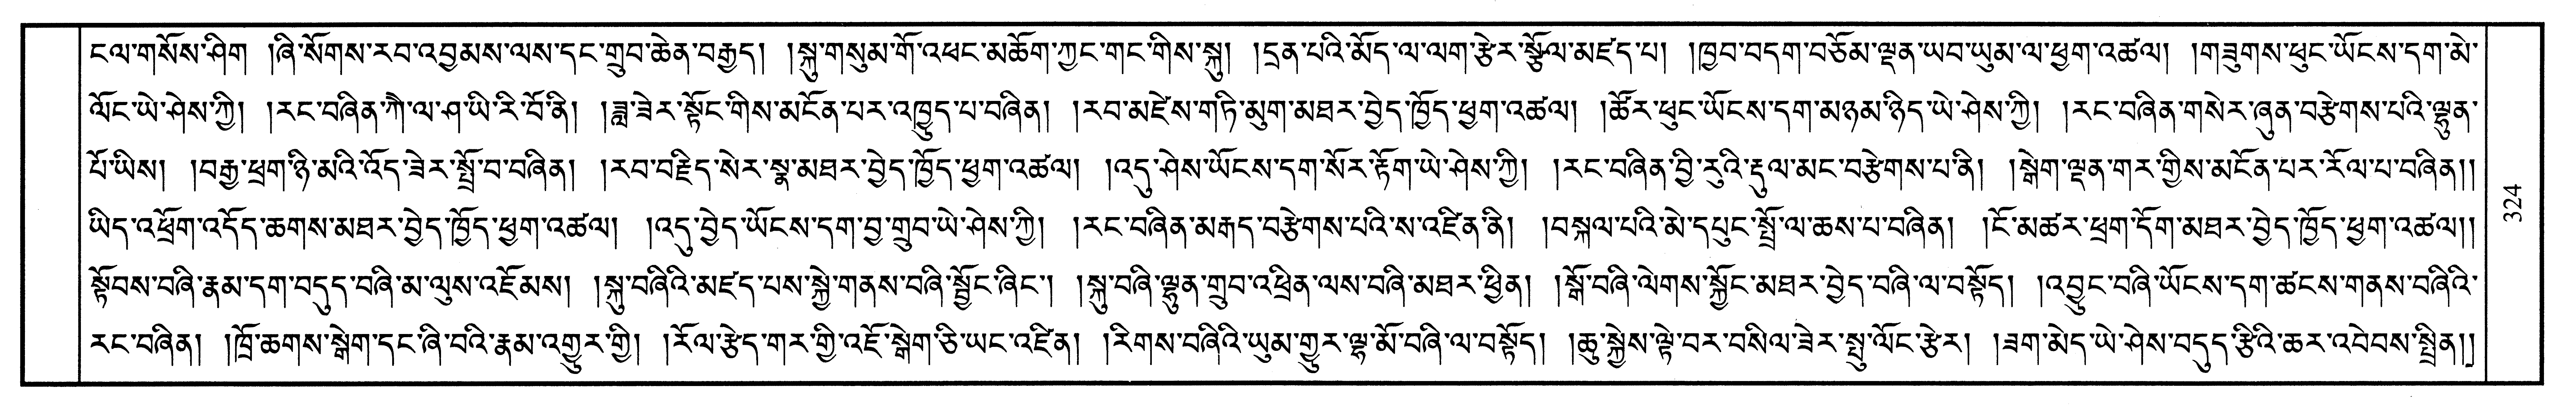ངལ་གསོས་ཤིག །ཞི་སོགས་རབ་འབྱམས་ལས་དང་གྲུབ་ཆེན་བརྒྱད། །སྐུ་གསུམ་གོ་འཕང་མཆོག་ཀྱང་གང་གིས་སྐུ། །དྲན་པའི་མོད་ལ་ལག་རྩེར་སྩོལ་མཛད་པ། །ཁྱབ་བདག་བཅོམ་ལྡན་ཡབ་ཡུམ་ལ་ཕྱག་འཚལ། །གཟུགས་ཕུང་ཡོངས་དག་མེ་
ལོང་ཡེ་ཤེས་ཀྱི། །རང་བཞིན་ཀཻ་ལ་ཤ་ཡི་རི་བོ་ནི། །ཟླ་ཟེར་སྟོང་གིས་མངོན་པར་འཁྱུད་པ་བཞིན། །རབ་མཛེས་གཏི་མུག་མཐར་བྱེད་ཁྱོད་ཕྱག་འཚལ། །ཚོར་ཕུང་ཡོངས་དག་མཉམ་ཉིད་ཡེ་ཤེས་ཀྱི། །རང་བཞིན་གསེར་ཞུན་བརྩེགས་པའི་ལྷུན་
པོ་ཡིས། །བརྒྱ་ཕྲག་ཉི་མའི་འོད་ཟེར་སྤྲོ་བ་བཞིན། །རབ་བརྗིད་སེར་སྣ་མཐར་བྱེད་ཁྱོད་ཕྱག་འཚལ། །འདུ་ཤེས་ཡོངས་དག་སོར་རྟོག་ཡེ་ཤེས་ཀྱི། །རང་བཞིན་བྱི་རུའི་རྡུལ་མང་བརྩེགས་པ་ནི། །སྒེག་ལྡན་གར་གྱིས་མངོན་པར་རོལ་པ་བཞིན།།
ཡིད་འཕྲོག་འདོད་ཆགས་མཐར་བྱེད་ཁྱོད་ཕྱག་འཚལ། །འདུ་བྱེད་ཡོངས་དག་བྱ་གྲུབ་ཡེ་ཤེས་ཀྱི། །རང་བཞིན་མྲྒད་བརྩེགས་པའི་ས་འཛིན་ནི། །བསྐལ་པའི་མེ་དཔུང་སྤྲོ་ལ་ཆས་པ་བཞིན། །ངོ་མཚར་ཕྲག་དོག་མཐར་བྱེད་ཁྱོད་ཕྱག་འཚལ།།
སྟོབས་བཞི་རྣམ་དག་བདུད་བཞི་མ་ལུས་འཇོམས། །སྐུ་བཞིའི་མཛད་པས་སྐྱེ་གནས་བཞི་སྦྱོང་ཞིང་། །སྐུ་བཞི་ལྷུན་གྲུབ་འཕྲིན་ལས་བཞི་མཐར་ཕྱིན། །སྒོ་བཞི་ལེགས་སྐྱོང་མཐར་བྱེད་བཞི་ལ་བསྟོད། །འབྱུང་བཞི་ཡོངས་དག་ཚངས་གནས་བཞིའི་
རང་བཞིན། །ཁྲོ་ཆགས་སྒེག་དང་ཞི་བའི་རྣམ་འགྱུར་གྱི། །རོལ་རྩེད་གར་གྱི་འཇོ་སྒེག་ཅི་ཡང་འཛིན། །རིགས་བཞིའི་ཡུམ་གྱུར་ལྷ་མོ་བཞི་ལ་བསྟོད། །ཆུ་སྐྱེས་ལྟེ་བར་བསིལ་ཟེར་སྤུ་ལོང་རྩེར། །ཟག་མེད་ཡེ་ཤེས་བདུད་རྩིའི་ཆར་འབེབས་སྤྲིན།།